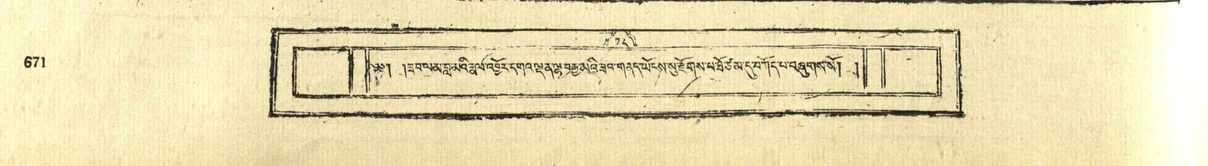༄༅། །ཟབ་ལམ་བླ་མའི་རྣལ་འབྱོར་དགའ་ལྡན་ལྷ་བརྒྱ་མའི་ཟབ་གནད་ཡོངས་སུ་རྫོགས་པ་ཐོ་ཙམ་དུ་བཀོད་པ་བཞུགས་སོ། །